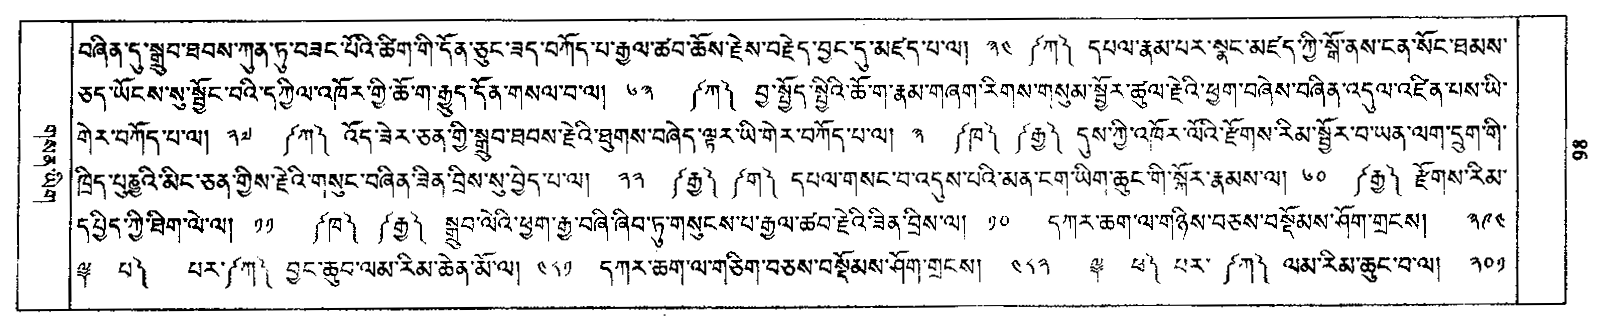བཞིན་དུ་སྒྲུབ་ཐབས་ཀུན་ཏུ་བཟང་པོའི་ཚིག་གི་དོན་ཅུང་ཟད་བཀོད་པ་རྒྱལ་ཚབ་ཆོས་རྗེས་བརྗེད་བྱང་དུ་མཛད་པ་ལ། ༣༤་ཀ྄་དཔལ་རྣམ་པར་སྣང་མཛད་ཀྱི་སྒོ་ནས་ངན་སོང་ཐམས་
ཅད་ཡོངས་སུ་སྦྱོང་བའི་དཀྱིལ་འཁོར་གྱི་ཆོ་ག་རྒྱུད་དོན་གསལ་བ་ལ། ༦༣་ཀ྄་བྱ་སྤྱོད་སྤྱིའི་ཆོ་ག་རྣམ་གཞག་རིགས་གསུམ་སྦྱོར་ཚུལ་རྗེའི་ཕྱག་བཞེས་བཞིན་འདུལ་འཛིན་པས་ཡི་
གེར་བཀོད་པ་ལ། ༢༧ ༼ཀ྄་འོད་ཟེར་ཅན་གྱི་སྒྲུབ་ཐབས་རྗེའི་ཐུགས་བཞེད་ལྟར་ཡི་གེར་བཀོད་པ་ལ། ༣་༽ཁ྄་རྒྱ྄་དུས་ཀྱི་འཁོར་ལོའི་རྫོགས་རིམ་སྦྱོར་བ་ཡན་ལག་དྲུག་གི་
ཁྲིད་པུཎྱའི་མིང་ཅན་གྱིས་རྗེའི་གསུང་བཞིན་ཟིན་བྲིས་སུ་བྱེད་པ་ལ། ༢༢ ༼རྒྱ྄་༽ག྄་དཔལ་གསང་བ་འདུས་པའི་མན་ངག་ཡིག་ཆུང་གི་སྐོར་རྣམས་ལ། ༦༠་རྒྱ྄་རྫོགས་རིམ་
དཔྱིད་ཀྱི་ཐིག་ལེ་ལ། ༡༡ ༼ཁ྄་༽རྒྱ྄་སྒྲུབ་ལེའི་ཕྱག་རྒྱ་བཞི་ཞིབ་ཏུ་གསུངས་པ་རྒྱལ་ཚབ་རྗེའི་ཟིན་བྲིས་ལ། ༡༠་དཀར་ཆག་ལ་གཉིས་བཅས་བསྡོམས་ཤོག་གྲངས། ༣༩༤
༈ པ྄་པར ༼ཀ྄་བྱང་ཆུབ་ལམ་རིམ་ཆེན་མོ་ལ། ༤༨༡་དཀར་ཆག་ལ་གཅིག་བཅས་བསྡོམས་ཤོག་གྲངས། ༤༨༢་༈ ཕ྄་པར་༽ཀ྄་ལམ་རིམ་ཆུང་བ་ལ། ༢༠༡